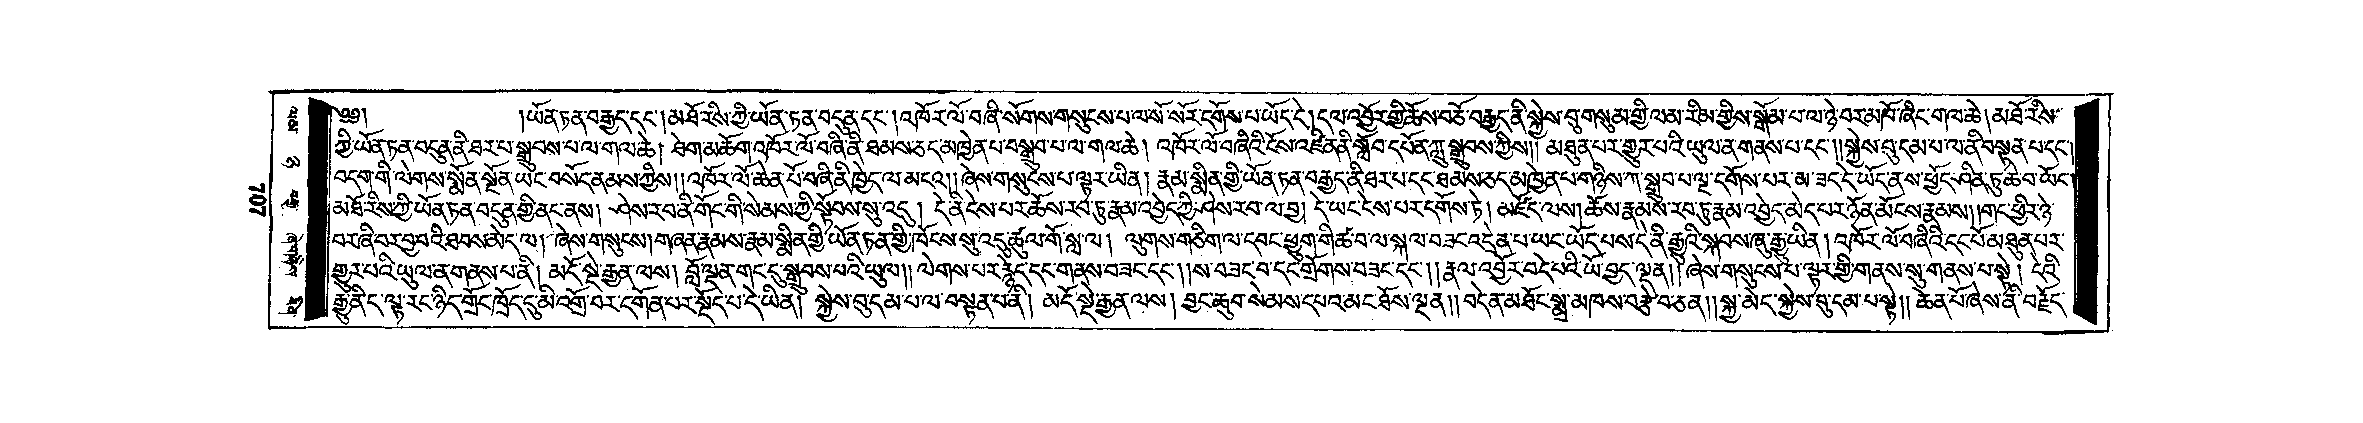༄༅། །ཡོན་ཏན་བརྒྱད་དང་། མཐོ་རིས་ཀྱི་ཡོན་ཏན་བདུན་དང་། འཁོར་ལོ་བཞི་སོགས་གསུངས་པ་ལ་སོ་སོར་དགོས་པ་ཡོད་དེ། དལ་འབྱོར་གྱི་ཆོས་བཅོ་བརྒྱད་ནི་སྐྱེས་བུ་གསུམ་གྱི་ལམ་རིམ་གྱིས་སྒོམ་པ་ལ་ཉེ་བར་མཁོ་ཞིང་གལ་ཆེ། མཐོ་རིས་
ཀྱི་ཡོན་ཏན་བདུན་ནི་ཐར་པ་སྒྲུབས་པ་ལ་གལ་ཆེ། ཐེག་མཆོག་འཁོར་ལོ་བཞི་ནི་ཐམས་ཅད་མཁྱེན་པ་བསྒྲུབ་པ་ལ་གལ་ཆེ། འཁོར་ལོ་བཞིའི་ངོས་འཛིན་ནི་སློབ་དཔོན་ཀླུ་སྒྲུབས་ཀྱིས། །མཐུན་པར་གྱུར་པའི་ཡུལ་ན་གནས་པ་དང་། །སྐྱེས་བུ་དམ་པ་ལ་ནི་བསྟན་པ་དང་།
བདག་གི་ལེགས་སྨོན་སྔོན་ཡང་བསོད་ནམས་ཀྱིས། །འཁོར་ལོ་ཆེན་པོ་བཞི་ནི་ཁྱེད་ལ་མངའ། །ཞེས་གསུངས་པ་ལྟར་ཡིན། རྣམ་སྨིན་གྱི་ཡོན་ཏན་བརྒྱད་ནི་ཐར་པ་དང་ཐམས་ཅད་མཁྱེན་པ་གཉིས་ཀ་སྒྲུབ་པ་ལྔ་དགོས་པར་མ་ཟད་དེ་ཡོད་ན་ས་ཕྱོད་ཤིན་ཏུ་ཆེ་བ་ཡོང་།
མཐོ་རིས་ཀྱི་ཡོན་ཏན་བདུན་གྱི་ནང་ནས། ཤེས་རབ་ནི་གོང་གི་སེམས་ཀྱི་སྟོབས་སུ་འདུ། དེ་ནི་ངེས་པར་ཆོས་རབ་ཏུ་རྣམ་འབྱེད་ཀྱི་ཤེས་རབ་ལ་བྱ། དེ་ཡང་ངེས་པར་དགོས་ཏེ། མཛོད་ལས། ཆོས་རྣམས་རབ་ཏུ་རྣམ་འབྱེད་མེད་པར་ཉོན་མོངས་རྣམས། །གང་ཕྱིར་ཉེ་
བར་ཞི་བར་བྱ་བའི་ཐབས་མེད་ལ། ཞེས་གསུངས། གཞན་རྣམས་རྣམ་སྨིན་གྱི་ཡོན་ཏན་གྱི་ཁོངས་སུ་འདུ་ཚུལ་གོ་སླ་ལ། ལུགས་གཅིག་ལ་དབང་ཕྱུག་གི་ཚ་བ་ལ་སྐལ་བཟང་འདྲེན་པ་ཡང་ཡོད་པས་དེ་ནི་རྒྱུའི་སྐབས་ཞུ་རྒྱུ་ཡིན། འཁོར་ལོ་བཞིའི་དང་པོ་མཐུན་པར་
གྱུར་པའི་ཡུལ་ན་གནས་པ་ནི། མདོ་སྡེ་རྒྱན་ལས། བློ་ལྡན་གང་དུ་སྒྲུབས་པའི་ཡུལ། །ལེགས་པར་རྙེད་དང་གནས་བཟང་དང་། །ས་བཟང་བ་དང་གྲོགས་བཟང་དང་། །རྣལ་འབྱོར་བདེ་པའི་ཡོ་བྱད་ལྡན། །ཞེས་གསུངས་པ་ལྟར་གྱི་གནས་སུ་གནས་པ་སྟེ། དེའི་
རྒྱུ་ནི་ད་ལྟ་རང་ཉིད་གྲོང་ཁྲོད་དུ་མི་འགྲོ་བར་དགོན་པར་སྡོད་པ་དེ་ཡིན། སྐྱེས་བུ་དམ་པ་ལ་བསྟན་པ་ནི། མདོ་སྡེ་རྒྱན་ལས། བྱང་ཆུབ་སེམས་དཔའ་མང་ཐོས་ལྡན། །བདེན་མཐོང་སྨྲ་མཁས་བརྩེ་བ་ཅན། །སྐྱ་མེད་སྐྱེས་བུ་དམ་པ་སྟེ། །ཆེན་པོ་ཞེས་ནི་བརྗོད་